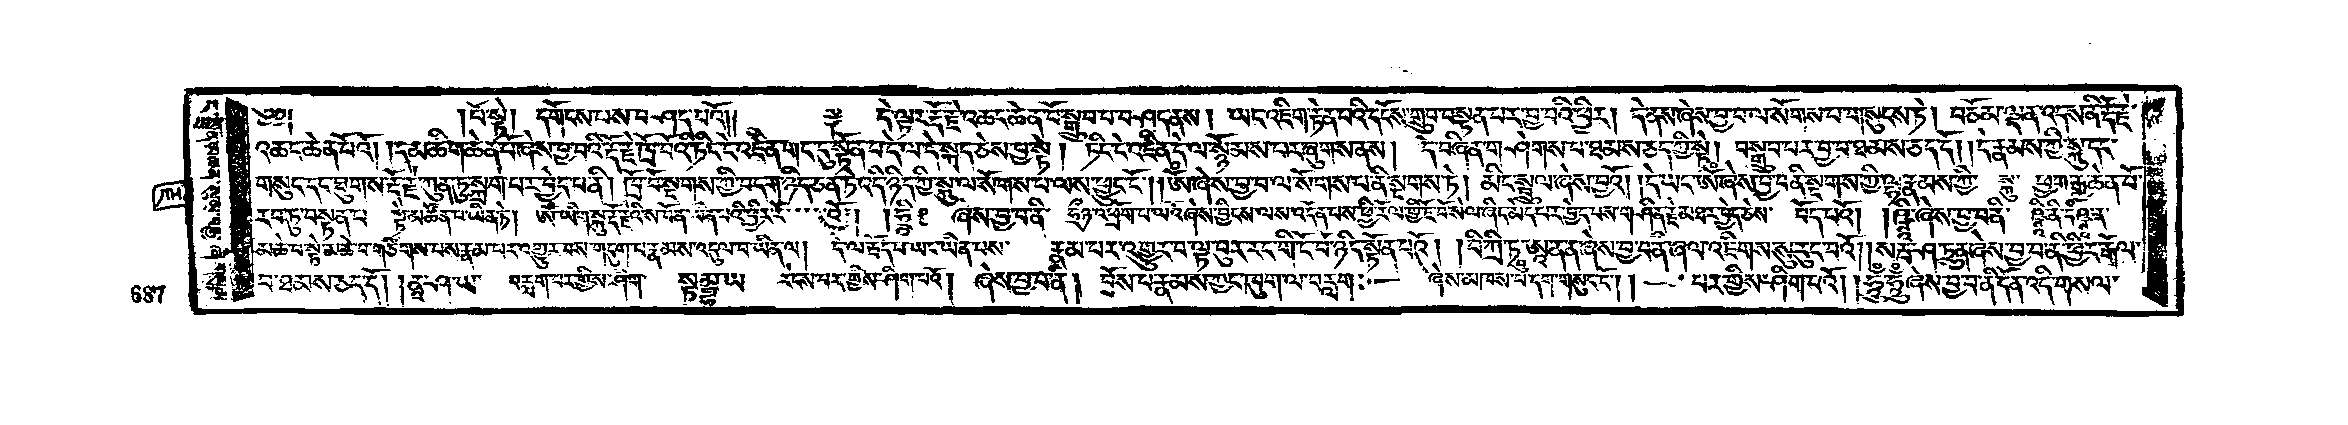༄༅། །པོ་སྟེ། དགོངས་པས་བཤད་པའོ།། ༈ དེ་ལྟར་རྡོ་རྗེ་འཆང་ཆེན་པོ་སྒྲུབ་པ་བཤད་ནས། ཡང་འཇིག་རྟེན་པའི་དངོས་གྲུབ་བསྟན་པར་བྱ་བའི་ཕྱིར། དེ་ནས་ཞེས་བྱ་བ་ལ་སོགས་པ་གསུངས་ཏེ། བཅོམ་ལྡན་འདས་ན་རྡོ་རྗེ་
འཆང་ཆེན་པོའོ། །དམ་ཚིག་ཆེན་པོ་ཞེས་བྱ་བའི་རྡོ་རྗེ་ཁྲོ་བོའི་ཏིང་ངེ་འཛིན་གང་དུ་སྟོན་པ་དེ་ལ་དེ་སྐད་ཅེས་བྱ་སྟེ། ཏིང་ངེ་འཛིན་དེ་ལ་སྙོམས་པར་ཞུགས་ནས། དེ་བཞིན་གཤེགས་པ་ཐམས་ཅད་ཀྱི་སྟེ། བསྒྲུབ་པར་བྱ་བ་ཐམས་ཅད་དོ། །དེ་རྣམས་ཀྱི་སྐུ་དང་
གསུང་དང་ཐུགས་རྡོ་རྗེ་ཀུན་ཏུ་སྐྲག་པར་བྱེད་པ་ནི། ཁྲོ་བོ་སྔགས་ཀྱི་བདག་ཉིད་ཅན་ཏེ་འདི་ཉིད་ཀྱི་སྐུ་ལ་སོགས་པ་ལས་ཕྱུང་ངོ། །ཨོཾ་ཞེས་བྱ་བ་ལ་སོགས་པ་ནི་སྔགས་ཏེ། མིང་སྦྲུལ་ཞེས་བྱའོ། །དེ་ཡང་ཨོཾ་ཞེས་བྱ་བ་ནི་སྔགས་ཀྱི་ལྷ་རྣམས་ཀྱི་སྐུ་ཕྱག་རྒྱ་ཆེན་པོ་
རབ་ཏུ་བསྟན་པ་སྟེ་མཚོན་པ་ཡིན་ཏེ། ཨོཾ་ཡིག་སྐུ་རྡོ་རྗེའི་ས་བོན་ཡིན་པའི་ཕྱིར་རོའོ། །ཧྲཱིཿ ཞེས་བྱ་བ་ནི་ཧྲྀཉ་འཕྲོག་པ་ལའོ་ཞེས་བྱིངས་ལས་འདོན་པས་ཕྱི་རོལ་གྱི་ཇོ་བོ་སེལ་ཞིང་མེད་པར་བྱེད་པས་གཤིན་རྗེ་མཐར་བྱེད་ཅེས་བོད་པའོ། །ཥིཊཱ་ཞེས་བྱ་བ་ནི་ཥིཊཱ་ནི་དཾ་ཥྚཱ་ན་
མཆེ་བ་སྟེ་མཆེ་བ་གཙིགས་པས་རྣམ་པར་འགྱུར་བས་གདུག་པ་རྣམས་འདུལ་བ་ཡིན་ལ། དེ་ལ་རྦོད་པ་ཡང་ཡིན་པས་རྣམ་པར་འགྱུར་བ་ལྟ་བུར་རང་གི་ངོ་བོ་ཉིད་སྟོན་པའོ། །བི་ཀྲི་ཏྦུ་ཨཱ་ན་ན་ཞེས་བྱ་བ་ནི་ཞལ་འཇིགས་སུ་རུང་བའོ། །སརྦ་ཤ་ཏྲུན་ཞེས་བྱ་བ་ནི་ཕྱིར་རྒོལ་
བ་ཐམས་ཅད་དོ། །ནཱ་ཤ་ཡ་བརླག་པར་གྱིས་ཤིག་སྟམྦྷ་ཡ་རེངས་པར་གྱིས་ཤིག་པའོ། ཞེས་བྱ་བ་ནི། བྲོས་པ་རྣམས་ཀྱང་ཁུག་ལ་བརླག་H.་ཞེས་མཁས་པ་དག་གསུང་ངོ། ། .H པར་གྱིས་ཤིག་པའོ། །ཧཱུཾ་ཧཱུཾ་ཞེས་བྱ་བ་ནི་དོན་འདི་གསལ་